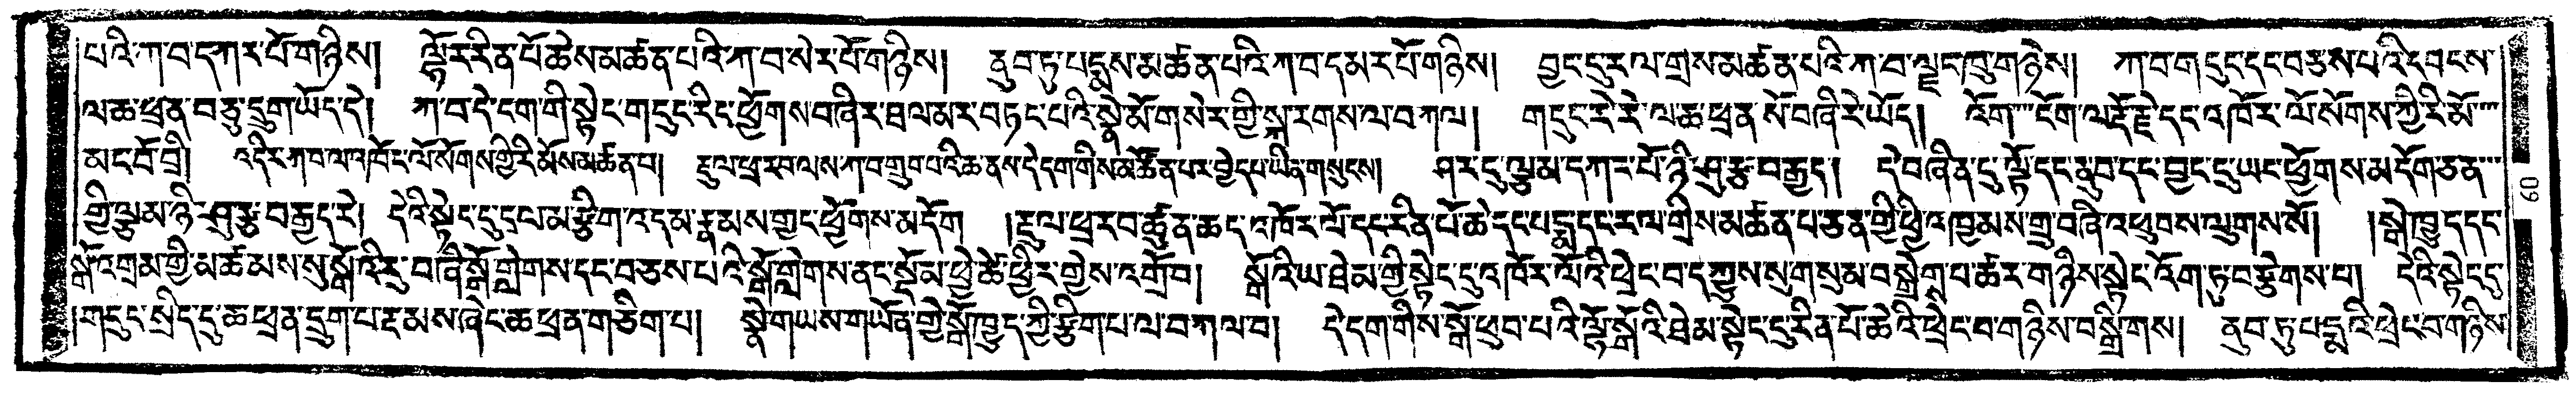པའི་ཀ་བ་དཀར་པོ་གཉིས། ལྷོར་རིན་པོ་ཆེས་མཚན་པའི་ཀ་བ་སེར་པོ་གཉིས། ནུབ་ཏུ་པདམས་མཚན་པའི་ཀ་བ་དམར་པོ་གཉིས། བྱང་དུ་རལ་གྲས་མཚན་པའི་ཀ་བ་ལྗང་ཁུ་གཉིས། ཀ་བ་གདུད་དང་བཅས་པའི་དཔངས་
ལ་ཆ་ཕྲན་བཅུ་དྲུག་ཡོད་དེ། ཀ་བ་དེ་དག་གི་སྟེང་གདུད་རིང་ཕྱོགས་བཞིར་ཐལ་མར་བཏང་པའི་སྣེ་མོ་གསེར་གྱི་སྐ་རགས་ལ་བཀལ། གདུང་རེ་རེ་ལ་ཆ་ཕྲན་སོ་བཞི་རེ་ཡོད། འོག་དོག་ལ་རྡོ་རྗེ་དང་འཁོར་ལོ་སོགས་ཀྱི་རི་མོ་
མང་པོ་བྲི། འདིར་ཀ་བ་ལ་འཁོར་ལོ་སོགས་གྱི་རི་མོས་མཚན་པ། རྡུལ་ཕྲ་རབ་ལས་ཀ་བ་གྲུབ་པའི་ཆ་ནས་དེ་དག་གིས་མཚོན་པར་བྱེད་པ་ཡིན་གསུངས། ཤར་དུ་ལྕམ་དཀར་པོ་ཉི་ཤུ་རྩ་བརྒྱད། དེ་བཞིན་དུ་ལྷོ་དང་ནུབ་དང་བྱང་དུ་ཡང་ཕྱོགས་མདོག་ཅན་
གྱི་ལྕམ་ཉི་ཤུ་རྩ་བརྒྱད་རེ། དེའི་སྟེང་དུ་དལ་མ་རྩིག་འདམ་རྣམས་གྱང་ཕྱོགས་མདོག །རྡུལ་ཕྲ་རབ་ཚུན་ཆད་འཁོར་ལོ་དང་རིན་པོ་ཆེ་དང་པདམ་དང་རལ་གྲིས་མཚན་པ་ཅན་གྱི་ཕྱི་འཁྱམས་གྲུ་བཞི་འཕུབས་ལུགས་སོ། །སྒེ་ཁྱུད་དང་
སྒོ་འགྲམ་གྱི་མཚམས་སུ་སྒོའི་རུ་བཞི་སྒོ་གླེགས་དང་བཅས་པའི་སྒོ་གླེགས་ནང་སྡོམ་ཕྱེ་ཚེ་ཕྱིར་གྱེས་འགྲོ་བ། སྒོའི་ཡ་ཐེམ་གྱི་སྟེང་དུ་འཁོར་ལོའི་ཕྲེང་བ་དཀྱུས་སུ་གསུམ་བསྒྲེགས་པ་ཚར་གཉིས་སྟེང་འོག་ཏུ་བརྩེགས་པ། དེའི་སྟེང་དུ་
གདུད་སྲིད་དུ་ཆ་ཕྲན་དྲུག་པ་རྔམས་ཞེང་ཆ་ཕྲན་གཅིག་པ། སྣེ་གཡས་གཡོན་གྱེ་སྒོ་ཁྱུད་ཀྱི་རྩིག་པ་ལ་བཀལ་བ། དེ་དག་གིས་སྒོ་ཕུབ་པའི་ལྷོ་སྒོའི་ཐེམ་སྟེང་དུ་རིན་པོ་ཆེའི་ཕྲེང་བ་གཉིས་བསྒྲིགས། ནུབ་ཏུ་པདམའི་ཕྲེང་བ་གཉིས་